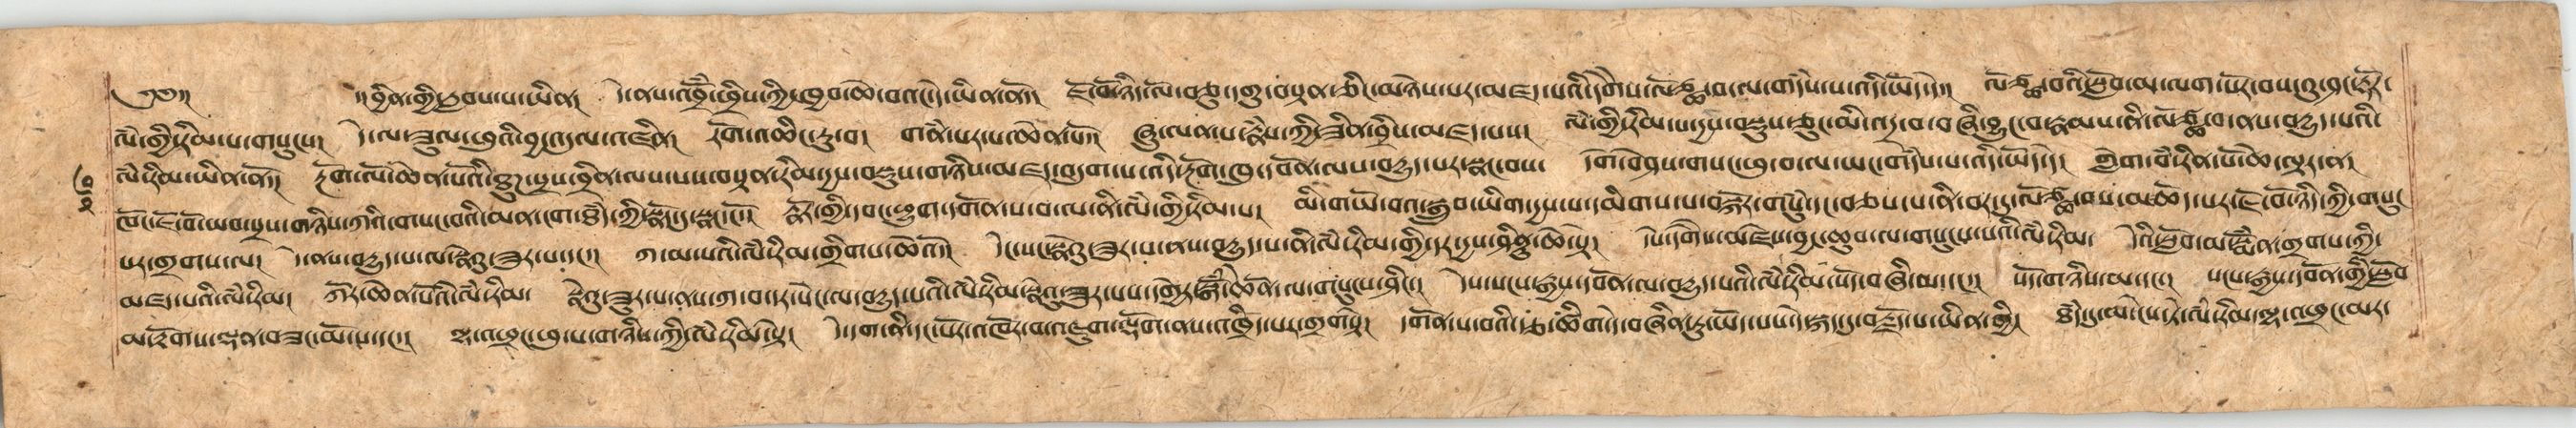་།བྱིན་གྱི་རླབས་པ་ཡིན། དེ་ནས་འབྲོྃ་ཕྲིསཀྱི་ཁྱབ་ཆེ་བའང་དེ་ཡིན་ནོ་། ཇོ་བོ་ཉིད་ལོ་བཅུ་དགུ་བསྟན་ཅིང་མཉེས་པར་མཛད་པའི་དགཻས་ལོ་ཙྪ་བ་ལ་གདཾས་པ་འདི་ཡོད་དེ། ལོ་ཙྪ་བའི་སློབ་མ་ལག་སོར་བས་འུ་ཤང་རྡོར
ལྃ་གྱི་རིམ་པ་གསུངས། དེ་ལ་ཟུལ་ཕུའི་བྱ་འདུལ་འཛིན། རོག་འཆིང་རུ་བ། གནྃ་པར་པ་ཆེན་པོ་། ཞུ་ལན་པ་རྣྃས་ཀྱི་ཟིན་བྲིས་མཛད་པས། ལྃ་གྱི་རིམ་པ་དྱས་བསྡུས་ཅུང་མི་འདྲ་བ་བཞི་བྱུང་བ་རྣམས་ནི་ལོ་ཙྪ་བ་ནས་བདྱུད་པའི
ལྃ་རིམ་ཡིན་ནོ་། རྔོག་ལོ་ཆེན་པོའི་ཐུཌ་སྲས་བྲིན་ལས་པས་བསྟན་རིམ་དྱས་བསྡུས་གཉིས་མཛད་བདུག་པ་འདི་རྔོག་ཁུ་དབོན་ལས་བདྱུད་པར་སྣང་བས། དགེ་བཤེས་གསང་ཕུ་བ་ལ་ཡང་གདྃས་པ་འདི་ཡོད་དེ། གླེག་བྃ་རིན་པོ་ཆེ་ལྟར་ན།
ཁོང་ཇོ་བོ་ཡབ་སྲསགཉིས་ཀའི་གསང་བའི་མན་ངག་ཐྃད་ཀྱི་སྣོད་དུ་སྣང་ངོ་། རྣོར་གྱི་དབང་ཕྱུག་དགོན་པ་བ་ལ་ནི་ལྃ་གྱི་རིམ་པ། མི་གཡོ་བའ་སྒྲུབ་ཡིག་དྱས་པ་དམིགས་པ་བསྐོར་གསུྃ་དང་བཅས་པ་ནི་བར་དུ་ལོཙྪ་བས་མཆོད་པར་ཇོ་བོ་ཉིད་ཀྱིས་གསུང
པར་གྲགས་ལ། དེ་ནས་བདྱུད་པ་ལ་ནི་སྣེའུ་ཟུར་པ་དང་། ཀ་མ་པའི་ལྃ་རིམ་གྲིགས་ཆེའོ། དེང་སང་སྣེའུ་ཟུར་པ་ནས་བདྱུད་པ་ནི་ལྃ་རིམ་གྱི་དར་དྱས་ཤིནྟུ་ཆེ་སྟེ། དེས་དགཻས་མཛེས་བྱང་ཆུབ་ལ་གསུངས་པའི་ལྃ་རིམ། དེའི་སློབ་མ་སྨོྃན་གྲགས་ཀྱིས
མཛད་པའི་ལྃ་རིམ། ཀོར་ཆེན་པོའི་ལྃ་རིམ། སྣེའུ་ཟུར་པ་ནས་སཀ་བ་དར་སེང་ལ་བདྱུད་པའི་ལྃ་རིམ་སྣེའུ་ཟུར་པས་དགྱེར་སྒོྃ་ཆེོན་ལ་གསུངས་ཤིང་། དེས་སངས་རྒྱས་དབོན་ལ་བདྱུད་པའི་ལྃ་རིམ་པོད་བཞི་མ་དང་། པོད་གཉིས་མ་དང་། སངས་རྒྱས་དབོན་གྱི་སློབ་
མ་རྟོགས་ལྡན་བཟང་མོ་པ་དང་། ལྷ་འཕྲང་ཕུ་པ་གཉིས་ཀྱི་ལྃ་རིམ་སྟེ། དེ་དག་ནི་དང་པོར་འཁོར་མ་འཇུག་ལྡོག་ནས་འཁྲིད་པར་གྲགསྟེ། དགོན་པ་བའི་རྩ་ཚིག་དེ་བཞིན་ཏུ་ཡོད་པས་དེ་སྐད་དུ་བརྗོད་པ་ཡིན་གྱི། ཐྃད་དུ་མ་ངེས་ཏེ་ལྃ་རིམ་ལྷ་འཕྲང་མར་